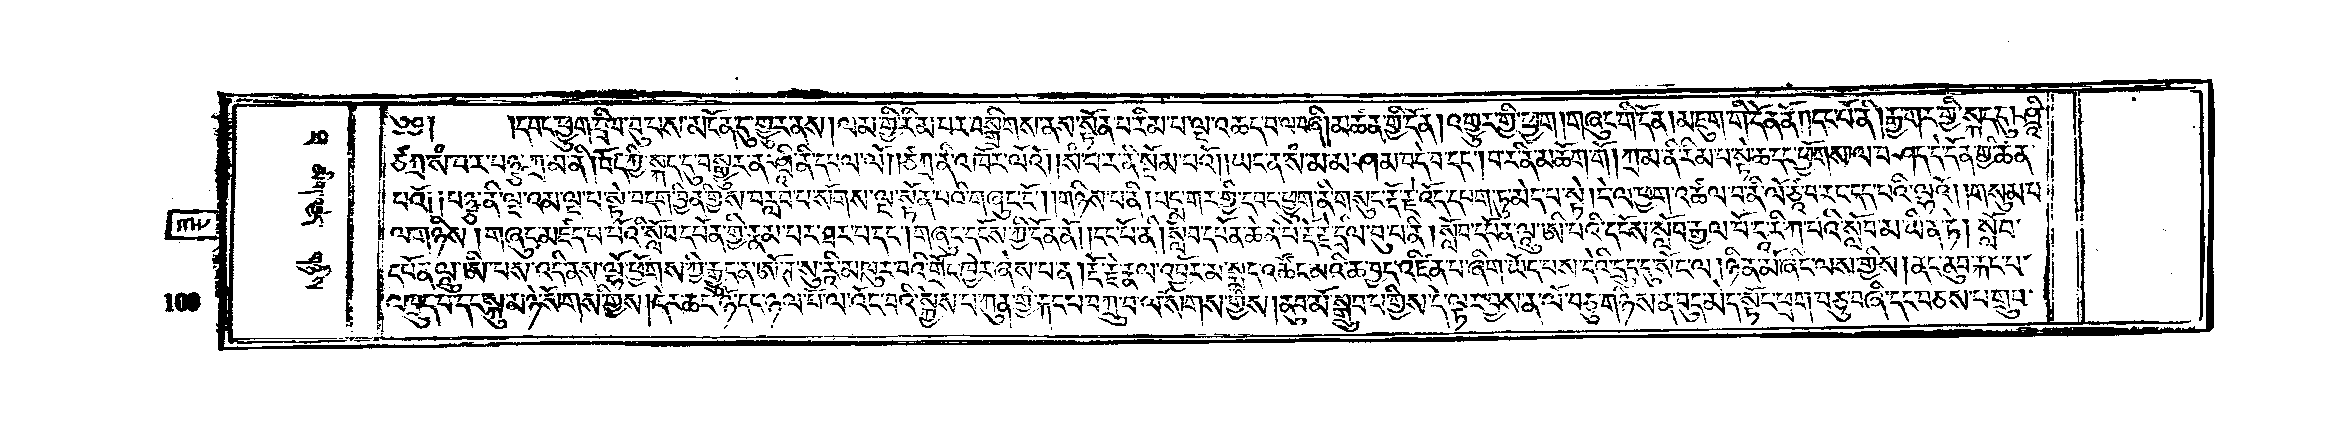༄༅། །དབང་ཕྱུག་དྲིལ་བུ་པས་མངོན་དུ་གྱུར་ནས། ལམ་གྱི་རིམ་པར་བསྒྲིགས་ནས་སྟོན་པ་རིམ་པ་ལྔ་འཆད་པ་ལ་བཞི། མཚན་གྱི་དོན། འགྱུར་གྱི་ཕྱག །གཟུང་གི་དོན། མཇུག་གི་དོན་ནོ། །དང་པོ་ནི། རྒྱ་གར་གྱི་སྐད་དུ། ཤྲཱི་
ཙཀྲ་སཾ་བ་ར་པཉྩ་ཀྲ་མ་ནི། བོད་ཀྱི་སྐད་དུ་བསྒྱུར་ན་ཤྲཱི་ནི་དཔལ་ལོ། །ཙཀྲ་ནི་འཁོར་ལོའོ། །སཾ་པ་ར་ནི་སྡོམ་པའོ། །ཡང་ན་སཾ་མམ་ཤམ་བདེ་བ་དང་། བ་ར་ནི་མཆོག་གོ །ཀྲ་མ་ནི་རིམ་པ་སྟེ་ཆ་དང་ཕྱོགས་ལ་བཤད་དེ་དོན་གྱི་ཚན་
པའོ། །པཉྩ་ནི་ལྔ་འམ་ལྔ་པ་སྟེ་བདག་བྱིན་གྱིས་བརླབ་པ་སོགས་ལྔ་སྟོན་པའི་གཞུང་ངོ། །གཉིས་པ་ནི། པདམ་གར་གྱི་དབང་ཕྱུག་ནི་གསུང་རྡོ་རྗེ་འོད་དཔག་ཏུ་མེད་པ་སྟེ། དེ་ལ་ཕྱག་འཚལ་བ་ནི་ལོ་ཙཱ་བ་རང་དད་པའི་ལྷའོ། །གསུམ་པ་
ལ་གཉིས། གཞུང་མཛད་པ་པོའི་སློབ་དཔོན་གྱི་རྣམ་པར་ཐར་པ་དང་། གཞུང་དངོས་ཀྱི་དོན་ནོ། །དང་པོ་ནི། སློབ་དཔོན་ཆེན་པོ་རྡོ་རྗེ་དྲིལ་བུ་པ་ནི། སློབ་དཔོན་ལཱུ་ཨི་པའི་དངོས་སློབ་རྒྱལ་པོ་དཱ་རི་ཀ་པའི་སློབ་མ་ཡིན་ཏེ། སློབ་
དཔོན་ལཱུ་ཨི་པས་འདི་ནས་ལྷོ་ཕྱོགས་ཀྱི་རྒྱུད་ན་ཨོ་ཊ་སུ་རཱི་མཁུར་བའི་གྲོང་ཁྱེར་ཞེས་པ་ན། རྡོ་རྗེ་རྣལ་འབྱོར་མ་སྨད་འཆིང་མའི་ཆ་བྱེད་འཛིན་པ་ཞིག་ཡོད་པས་དེའི་དྲུང་དུ་སོང་ལ། ཉིན་མོ་ཞིང་ལས་ཀྱིས། ནང་ནུབ་རྐང་པ་
འཁྲུད་པ་དང་སྐུ་མཉེ་སོགས་གྱིས། དེར་ཆང་ཉོ་དང་ཉལ་པོ་ལ་འོང་བའི་སྐྱེས་པ་ཀུན་གྱི་རྐང་པ་བཀྲུ་བ་ལ་སོགས་ཀྱིས། ནུབ་མོ་སྒྲུབ་པ་གྱིས་དེ་ལྟར་བྱས་ན་ལོ་བཅུ་གཉིས་ན་བུད་མེད་སྟོང་ཕྲག་བཅུ་བཞི་དང་བཅས་པ་གྲུབ་